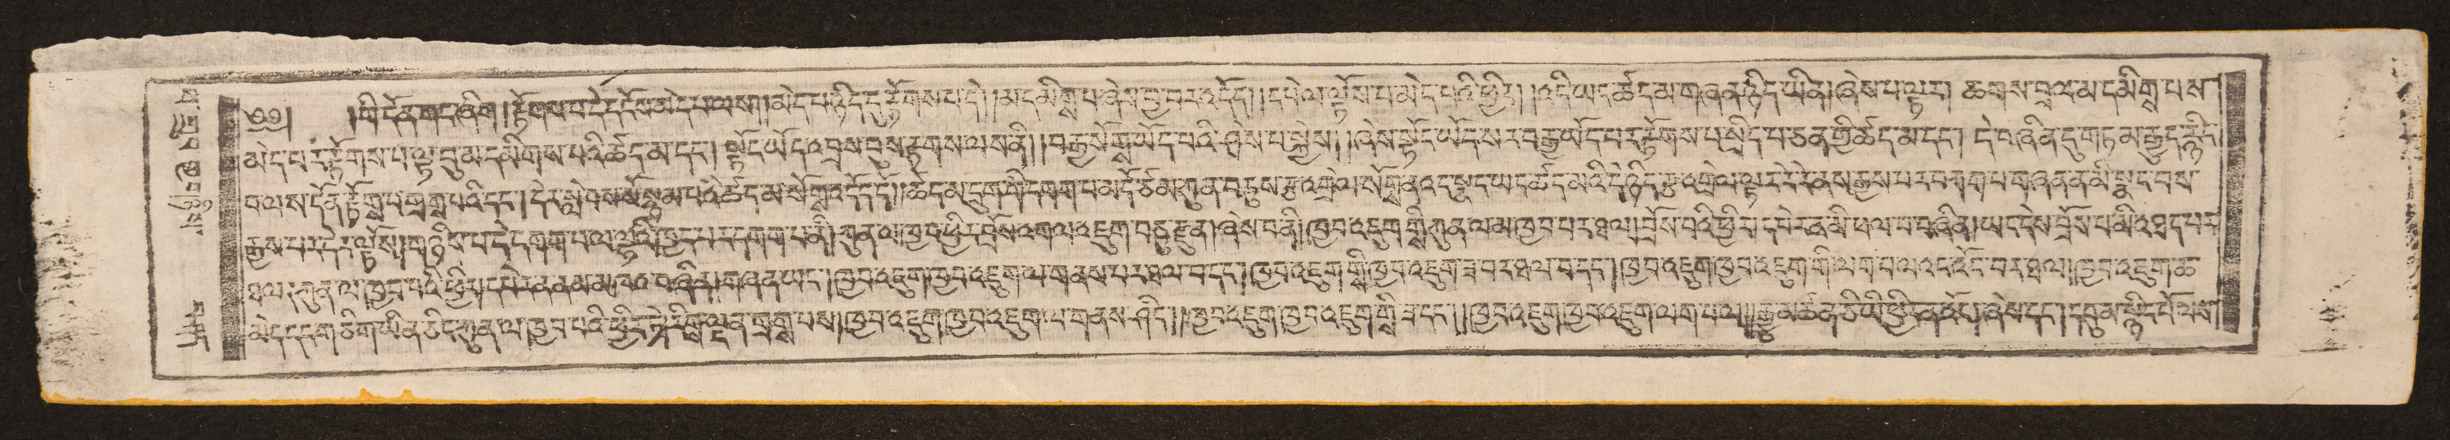༄༅། །གི་དོན་གང་ཞིག། རྟོགས་པ་དེ་དངོས་མེད་པ་ལས། །མེད་པ་ཉིད་དུ་རྟོགས་པ་དེ། །མ་དམིགས་པ་ཞེས་བྱ་བར་འདོད། །དཔེ་ལ་ལྟོས་པ་མེད་པའི་ཕྱིར། །འདི་ཡང་ཚད་མ་གཞན་ཉིད་ཡིན། ཞེས་པ་ལྟར། ཆགས་བྲལ་མ་དམིགས་པས་
མེད་པར་རྟོགས་པ་ལྟ་བུ་མ་དམིགས་པའི་ཚད་མ་དང་། སྟོང་ཡོད་འབྲས་བུས་རྟགས་ལས་ནི། །བརྒྱ་སོགས་ཡོད་པའི་ཤེས་པ་སྐྱེས། །ཞེས་སྟོང་ཡོད་སར་བརྒྱ་ཡོད་པར་རྟོགས་པ་སྲིད་པ་ཅན་གྱི་ཚད་མ་དང་། དེ་བཞིན་དུ་གཏམ་རྒྱུད་རྙིང་
པ་ལས་དོན་རྟོགས་པ་གྲགས་པའི་དང་། དེར་སླེབས་སོ་སྙམ་པའི་ཚད་མ་སོགས་འདོད་དོ། །ཚད་མ་དྲུག་གི་དགག་པ་མདོ་ཙམ་ཀུན་བཏུས་རྩ་འགྲེལ་སོགས་ནའང་སྣང་ཡང་ཚད་མའི་དེ་ཉིད་རྩ་འགྲེལ་ལྟར་རེ་རེ་ནས་རྒྱས་པར་བཀག་པ་གཞན་ན་མི་སྣང་བས་
རྒྱས་པར་དེར་ལྟོས། གཉིས་པ་དེ་དགག་པ་ལ་ལྷའི་ཁྱད་པར་དགག་པ་ནི། ཀུན་ལ་ཁྱབ་ཕྱིར་བྲོས་འགལ་འཇུག་བཅུ་རྫུན། ཞེས་པ་ནི། ཁྱབ་འཇུག་གིས་ཀུན་ལ་མཁྱབ་པར་ཐལ། བྲོས་པའི་ཕྱིར། དཔེར་ན་མི་ཕལ་བ་བཞིན། ཡང་དེས་བྲོས་པ་མི་འཐད་པར་
ཐལ། ཀུན་ལ་ཁྱབ་པའི་ཕྱིར། དཔེར་ན་ནམ་མཁའ་བཞིན། གཞན་ཡང་། ཁྱབ་འཇུག་ཁྱབ་འཇུག་ལ་གནས་པར་ཐལ་པ་དང་། ཁྱབ་འཇུག་གིས་ཁྱད་འཇུག་ཟ་བར་ཐལ་བ་དང་། ཁྱབ་འཇུག་ཁྱབ་འཇུག་གི་ལག་པ་ལའང་འོང་བར་ཐལ། ཁྱབ་འཇུག་ཆ་
མེད་དང་གཅིག་ཡིན་ཅིང་ཀུན་ལ་ཁྱབ་པའི་ཕྱིར་ཏེ། རིགས་ལྡན་གྲགས་པས། ཁྱབ་འཇུག་ཁྱབ་འཇུག་ལ་གནས་ཤིང་། །ཁྱབ་འཇུག་ཁྱབ་འཇུག་གིས་ཟ་དང་། །ཁྱབ་འཇུག་ཁྱབ་འཇུག་ལག་པ་ལ། །རྒྱུ་མཚན་ཅི་ཡི་ཕྱིར་ན་འོང་། ཞེས་དང་། དབུ་མ་སྙིང་པོ་ལས་